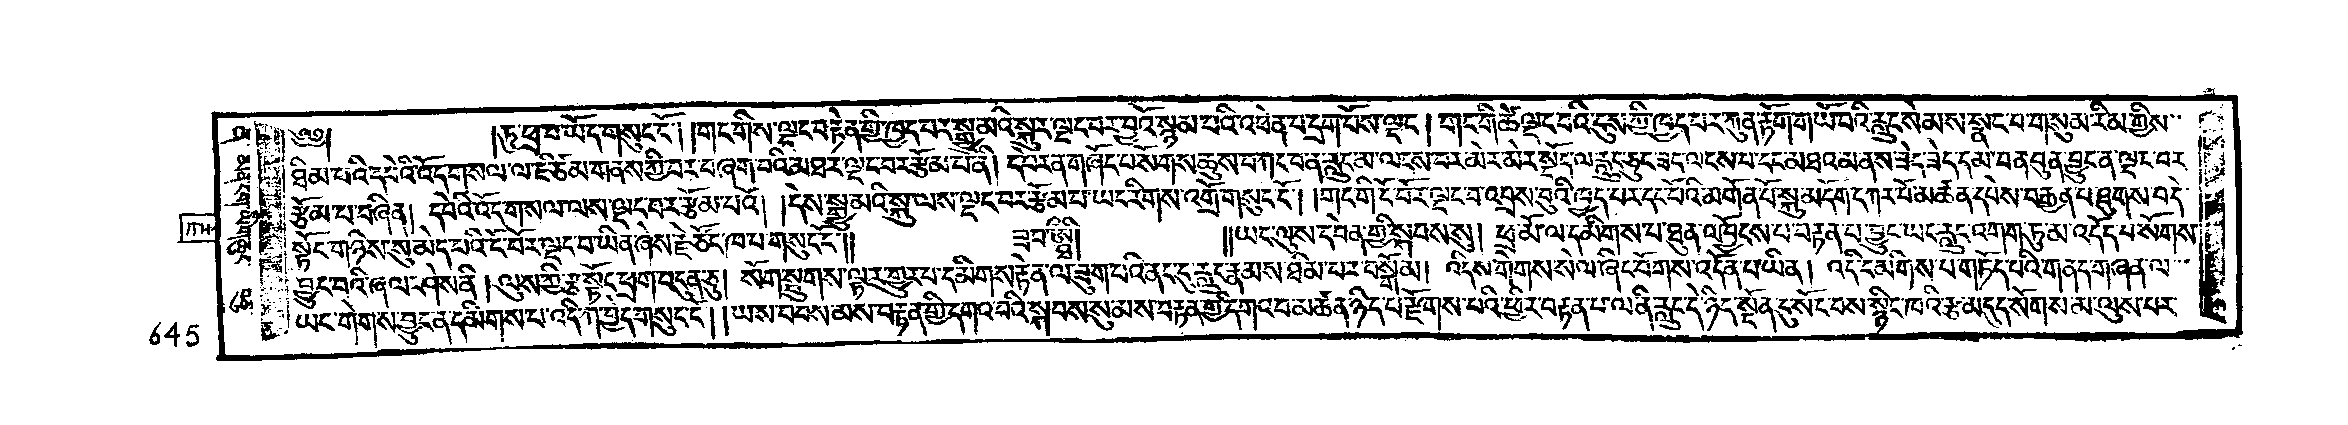༄༅། །ཏུ་ཕྲ་བ་ཡོད་གསུང་ངོ། །གང་གིས་ལྡང་བརྟེན་གྱི་ཁྱད་པར་སྒྱུ་མའི་སྐུར་ལྡང་བར་བྱའོ་སྙམ་པའི་འཕེན་པ་དྲག་པོས་ལྡང་། གང་གི་ཚེ་ལྡང་བའི་དུས་ཀྱི་ཁྱད་པར་ཀུན་རྟོག་གཡོ་བའི་རླུང་སེམས་སྣང་བ་གསུམ་རིམ་གྱིས་
ཐིམ་པའི་དཔེའི་འོད་གསལ་ལ་ཇི་ཙམ་གནས་ཀྱི་བར་བཞག་པའི་མཐར་ལྡང་བར་རྩོམ་པ་ནི། དཔེར་ན་གཞོང་པ་སོགས་ཆུས་བཀང་བ་ན་རླུང་མ་ལངས་བར་མེར་མེར་སྡོད་ལ་རླུང་ཆུང་ཟད་ལངས་པ་དང་མཐའ་མ་ནས་ཟེད་ཟེད་དམ་བན་བུན་བྱུང་ན་ལྡང་བར་
རྩོམ་པ་བཞིན། དཔེའི་འོད་གསལ་ལས་ལྡང་བར་རྩོམ་པའོ། །དེས་སྒྱུ་མའི་སྐུ་ལས་ལྡང་བར་རྩོམ་པ་ཡང་རིགས་འགྲེ་གསུང་ངོ། །གང་གི་ངོ་བོར་ལྡང་བ་འབྲས་བུའི་ཁྱད་པར་དང་པོའི་མགོན་པོ་སྐུ་མདོག་དཀར་པོ་མཚན་དཔེས་བརྒྱན་པ་ཐུགས་བདེ་
སྟོང་གཉིས་སུ་མེད་པའི་ངོ་བོར་ལྡང་བ་ཡིན་ཞེས་རྗེ་ཙོང་ཁ་པ་གསུང་ངོ།། ཟབ་ཨཐྀཨི། །།ཡང་ལུས་དབེན་གྱི་སྐབས་སུ། ཕྲ་མོ་ལ་དམིགས་པ་ཐུན་འཁྱེངས་པ་བརྟན་པ་བྱུང་ཡང་རླུང་འགག་ཏུ་མ་འདོད་པ་སོགས་
བྱུང་བའི་ཞལ་ཤེས་ནི། ལུས་ཀྱི་རྩ་སྟོང་ཕྲག་བདུན་ཅུ། སོག་སྦུགས་ལྟར་གྱུར་པ་དམིགས་རྟེན་ལ་ཟུག་པའི་ནང་དུ་རླུང་རྣམས་ཐིམ་པར་བསྒོམ། འདིས་གེགས་སེལ་ཞིང་བོགས་འདོན་པ་ཡིན། འདི་དམིགས་པ་གཏོད་པའི་གནད་གཞན་ལ་
ཡང་གེགས་བྱུང་ན་དམིགས་པ་འདི་ཀ་བྱེད་གསུང་ངོ། །ཡས་བབས་མས་བརྟན་གྱི་དགའ་བའི་སྐབས་སུ་མས་བརྟན་གྱི་དགའ་བ་མཚན་ཉིད་པ་རྫོགས་པའི་ཕྱིར་བརྟན་པ་ལ་ནི་རླུང་དེ་ཉིད་སྔོན་དུ་སོང་བས་སྙིང་ཁའི་རྩ་མདུད་སོགས་མ་ལུས་པར་